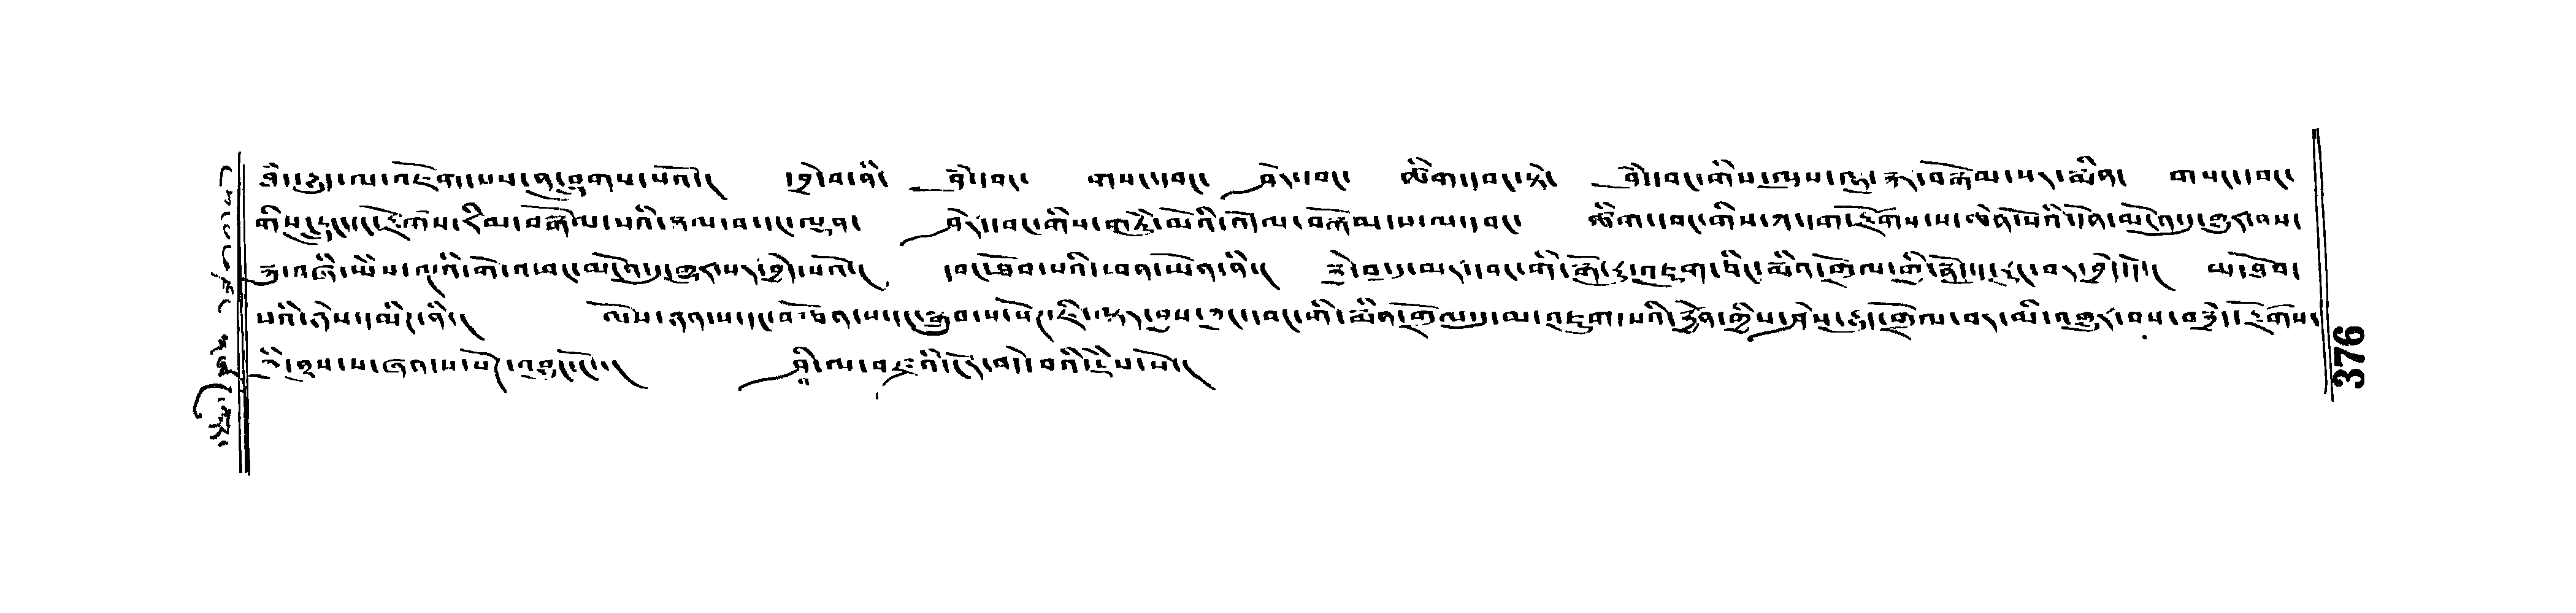ཐམས་ཅད་རྒྱུད་ལ་འཇོག་པས་ན་བླུགས་པའོ། དབྱེ་བ་ནི། བུམ་དབང་། གསང་དབང་། ཤེར་དབང་། ཚིག་དབང་སྟེ། བུམ་དབང་གིས་ལུས་ལྷ་སྐུར་བསྒོམ་པར་སྨིན། །གསང་དབང་
གིས་རླུང་དང་རྫོགས་རིམ་བསྒོམ་པའི་སྐལ་བ་དང་ལྡན། །ཤེར་དབང་གིས་གཏུམ་མོའི་འོད་གསལ་བསྒོམ་པ་ལ་དབང་། ཚིག་དབང་གིས་ཀ་དག་རྫོགས་པ་ཆེན་པོའི་དོན་མངོན་དུ་གྱུར་ནས་།
སྐུ་བཞི་ཡེ་ཤེས་ལྔའི་གོ་འཕང་མངོན་དུ་གྱུར་པར་བྱེད་པའོ། དབང་ཐོབ་པའི་ཕན་ཡོན་ནི། སྐྱེ་བ་དུ་མར་དབང་གི་སྒོ་རུ་འཇུག་ཅིང་སྨིན་གྲོལ་གྱི་སྣོད་དུ་རུང་བར་བྱེད་དོ། མ་ཐོབ་
པའི་ཉེས་དམིགས་ནི། ཆོས་ཉན་པ་དང་བརྩོན་པ་དང་སྒྲུབ་པ་སོགས་ཇི་ལྟར་བྱས་ཀྱང་དབང་གི་སྨིན་གྲོལ་དུ་མ་འཇུག་པའི་རྐྱེན་གྱིས་ཤེས་རྒྱུད་གྲོལ་བར་མི་འགྱུར་བས་བསྐྱེད་རྫོགས་
ཀྱི་ནུས་པ་ཞན་པ་སོགས་འབྱུང་ངོ་།ཤཱི་ལ་བཛྲའི་ངོར་བདེ་བའི་རྡོ་རྗེས་སོ།།